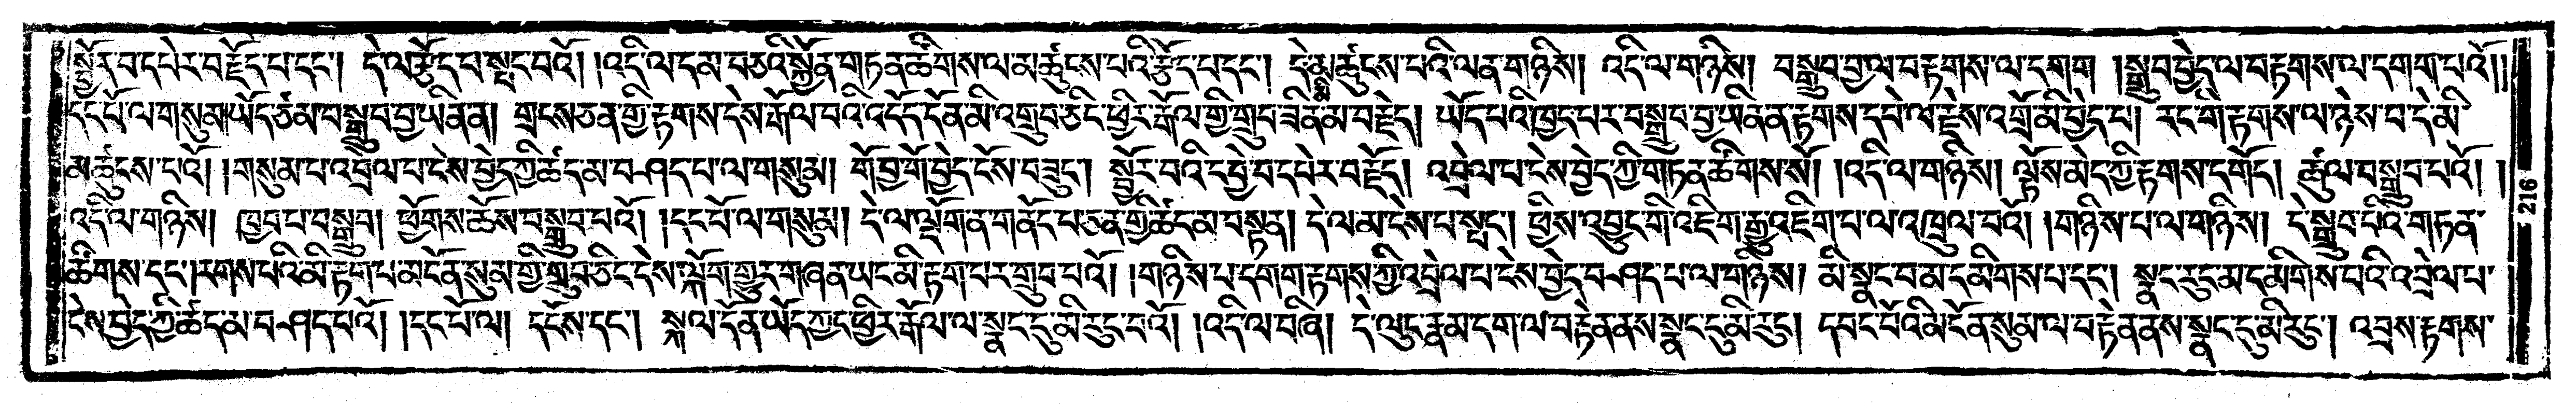སྦྱོར་བ་དཔེར་བརྗོད་པ་དང་། དེ་ལ་རྩོད་པ་སྤང་བའོ། །འདི་ལ་དམ་བཅའི་སྐྱོན་གཏན་ཚིགས་ལ་མཚུངས་པའི་རྩོད་པ་དང་། དེ་མི་མཚུངས་པའི་ལན་གཉིས། འདི་ལ་གཉིས། བསྒྲུབ་བྱ་ལ་བརྟགས་ལ་དགག །སྒྲུབ་བྱེད་ལ་བརྟགས་ལ་དགག་པའོ།།
དང་པོ་ལ་གསུམ། ཡོད་ཙམ་བསྒྲུབ་བྱ་ཡིན་ན། གྲངས་ཅན་གྱི་རྟགས་དེས་རྒོལ་བའི་འདོད་དོན་མི་འགྲུབ་ཅིང་ཕྱིར་རྒོལ་གྱི་གྲུབ་ཟིན་མ་བརྗེད། ཡོད་པའི་ཁྱད་པར་བསྒྲུབ་བྱ་ཡིན་ན་རྟགས་དཔེ་ལ་རྗེས་འགྲོ་མི་བྱེད་པ། རང་གི་རྟགས་ལ་ཉེས་པ་དེ་མི་
མཚུངས་པའོ། །གསུམ་པ་འབྲེལ་པ་ངེས་བྱེད་ཀྱི་ཚད་མ་བཤད་པ་ལ་གསུམ། གོ་བྱ་གོ་བྱེད་ངོས་བཟུང་། སྦྱོར་བའི་དབྱེ་བ་དཔེར་བརྗོད། འབྲེལ་པ་ངེས་བྱེད་ཀྱི་གཏན་ཚིགས་སོ། །འདི་ལ་གཉིས། ལྟོས་མེད་ཀྱི་རྟགས་དགོད། ཚུལ་བསྒྲུབ་པའོ། །
འདི་ལ་གཉིས། ཁྱབ་པ་བསྒྲུབ། ཕྱོགས་ཆོས་བསྒྲུབ་པའོ། །དང་པོ་ལ་གསུམ། དེ་ལ་ལྡོག་ན་གནོད་པ་ཅན་གྱི་ཚད་མ་བསྟན། དེ་ལ་མ་ངེས་པ་སྤང་། ཕྱིས་འབྱུང་གི་འཇིག་རྒྱུ་འཇིག་པ་ལ་འཁྲུལ་པའོ། །གཉིས་པ་ལ་གཉིས། དེ་སྒྲུབ་པའི་གཏན་
ཚིགས་དང་། རགས་པའི་མི་རྟག་པ་མངོན་སུམ་གྱི་གྲུབ་ཅིང་དེས་ལྐོག་གྱུར་གཞན་ཡང་མི་རྟག་པར་གྲུབ་པའོ། །གཉིས་པ་དགག་རྟགས་ཀྱི་འབྲེལ་པ་ངེས་བྱེད་བཤད་པ་ལ་གཉིས། མི་སྣང་བ་མ་དམིགས་པ་དང་། སྣང་རུང་མ་དམིགས་པའི་འབྲེལ་པ་
ངེས་བྱེད་ཀྱི་ཚད་མ་བཤད་པའོ། །དང་པོ་ལ། དངོས་དང་། སྐལ་དོན་ཡོད་ཀྱང་ཕྱིར་རྒོལ་ལ་སྣང་དུ་མི་རུང་བའོ། །འདི་ལ་བཞི། དེ་ལུང་རྣམ་དག་ལ་བརྟེན་ནས་སྣང་དུ་མི་རུང་། དབང་པོའི་མངོན་སུམ་ལ་བརྟེན་ནས་སྣང་དུ་མི་རུང་། འབྲས་རྟགས་